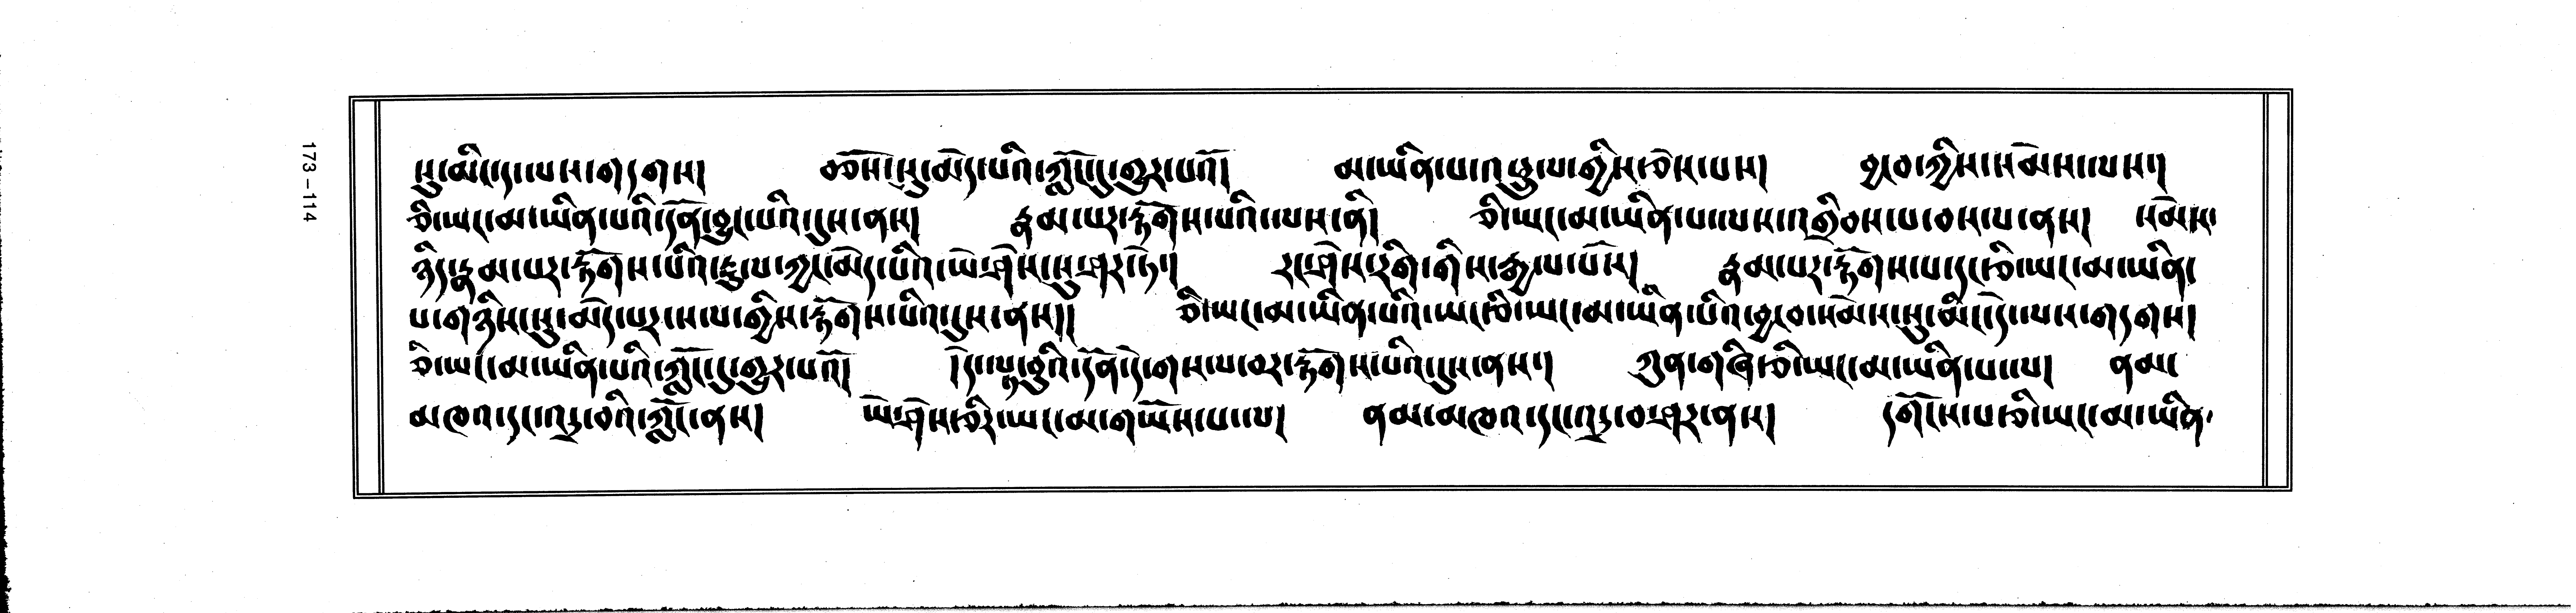སུ་ཡང་མིང་དེ་ལ་གདགས། བཅོས་སུ་མེད་པའི་ཀློང་དུ་གྱུར་པའོ། །མ་ཡིན་པ་འཕྲུལ་གྱིས་ཅེས་པས། བྱང་ཆུབ་ཀྱི་སེམས་ལས། 
ཅི་ཡང་མ་ཡིན་པའི་དོན་བྱུང་བའི་དུས་ན། རྣམ་པར་རྟོག་པའི་ལས་ནི། ཡེ་ཡང་མ་ཡིན་པ་ལས་འགྲིབ་པ་བསལ་ནས། སེམས་
ཉིད་རྣམ་པར་རྟོག་པའི་རྡུལ་ཀྱང་མེད་པའི་ཡེ་ཤེས་སུ་ཤར་ཏེ། རང་ཤེས་རིག་གི་རྒྱལ་པོས་རྣམ་པར་རྟོག་པ་དང་ཅི་ཡང་མ་ཡིན་
པ་གཉིས་སུ་མེད་པར་སལ་གྱིས་རྟོགས་པའི་དུས་ན། ཅི་ཡང་མ་ཡིན་པའི་ཡང་ཅི་ཡང་མ་ཡིན་པའི་བྱང་ཆུབ་ཀྱི་སེམས་སུ་ཡང་མིང་དེ་ལ་གདགས། 
ཅི་ཡང་མ་ཡིན་པའི་ཀློང་དུ་གྱུར་པའོ། །དེ་ལྟ་བུའི་དོན་དེ་གསལ་བར་རྟོགས་པའི་དུས་ནས། ཀུན་གཞི་ཅི་ཡང་མ་ཡིན་པ་ལ། ནམ་
མཁའ་དང་འདྲ་བའི་ཀློང་ནས། ཡེ་ཤེས་ཅིར་ཡང་མ་གཡོས་པ་ལ། ནམ་མཁའ་དང་འདྲ་བ་ཤར་ནས། དགོངས་པ་ཅི་ཡང་མ་ཡིན་